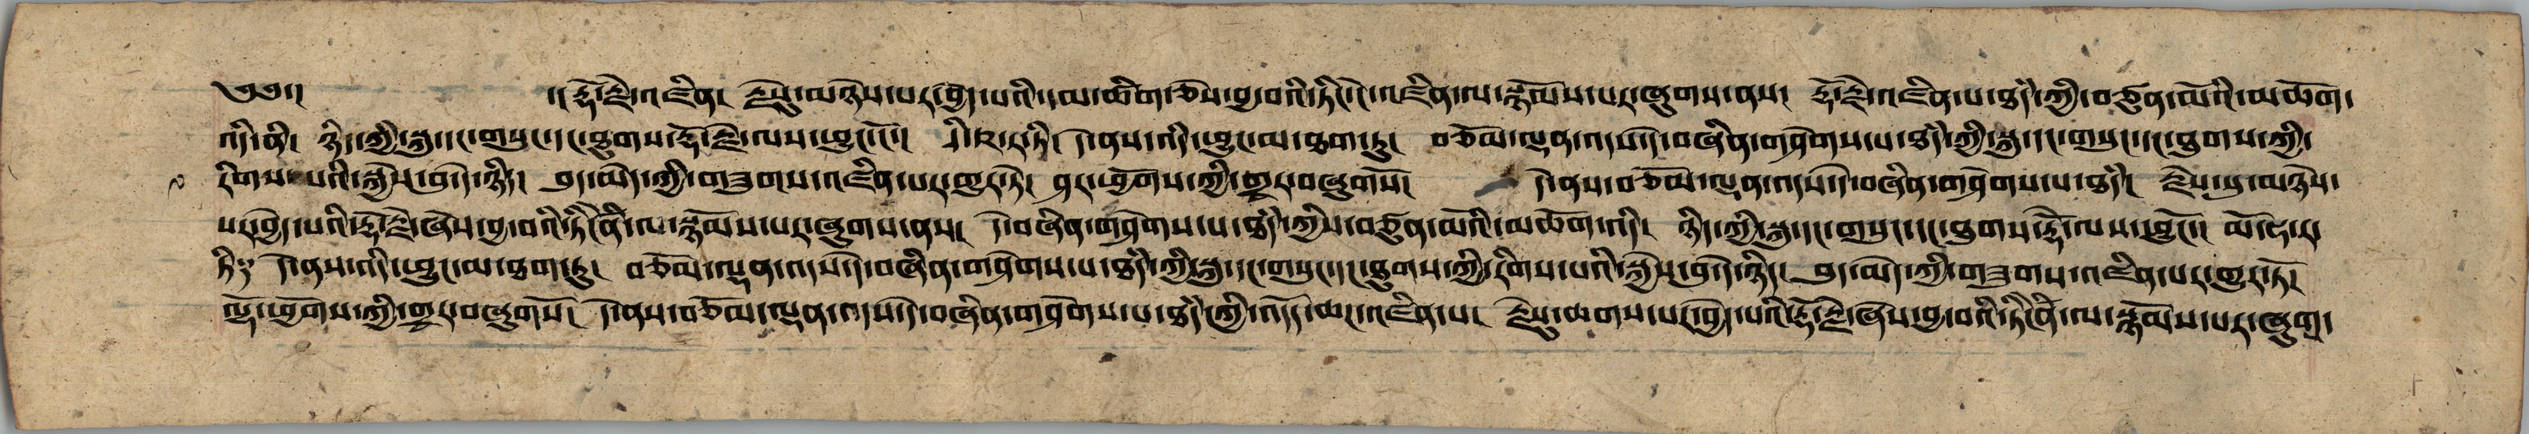༄༅་། ་།རྡོ་རྗེ་འཛིན། རྗེསུ་མཉེས་པར་བྱེད་པའི་དམ་ཚིག་ཅེས་བྱ་བའི་ཏིང་ངེ་འཛིན་ལ་སྙོམས་པར་ཞུགས་ནས། རྡོ་རྗེ་འཛིན་པ་ཐཾད་ཀྱི་བཙུན་མོའི་མཆོག་
འདི་ནི། ཉིད་ཀྱི་སྐུ་དང་གསུང་དང་ཐུགས་རྡོ་རྗེ་ལས་ཕྱུང་ངོ་། དྭི་ཥ་ར་ཏྭི། དེ་ནས་འདི་ཕྱུང་མ་ཐག་ཏུ། བཅོམ་ལྡན་འདས་དེ་བཞིན་གཤེགས་པ་ཐཾད་ཀྱི་སྐུ་དང་གསུང་དང་ཐུགས་ཀྱི་
རིགས་པའི་སྐྱེས་བུ་དེ་ཉིད་། བུད་མེད་ཀྱི་གཟུགས་འཛིན་པར་གྱུར་ཏེ་། ཤར་ཕྱོགས་ཀྱི་གྲྭར་བཞུགསོ་། དེ་ནས་བཅོམ་ལྡན་འདས་དེ་བཞིན་གཤེགས་པ་ཐཾད། རྗེས་སུ་མཉེས་
སར་བྱེད་པའི་རྡོ་རྗེ་ཞེས་བྱ་བའི་ཏིངེནི་ལ་སྙོམས་པར་ཞུགས་ནས་། དེ་བཞིན་གཤེགས་པ་ཐཾད་ཀྱིས་བཙུན་མོའི་མཆོག་འདི། ཉིད་ཀྱི་སྐུ་དང་གསུང་དང་ཐུགས་རྡོེ་ལས་ཕྱུངོ་། མོ་ཧ་ར་
ཏི༑ དེ་ནས་འདི་ཕྱུང་མ་ཐག་ཏུ། བཅོམ་ལྡན་འདས་དེ་བཞིན་གཤེགས་པ་ཐཾད་ཀྱི་སྐུ་དང་གསུང་དང་ཐུགས་ཀྱི་རིགས་པའི་སྐྱེས་བུ་དེ་ཉིད། བུད་མེད་ཀྱི་གཟུགས་འཛིན་པར་གྱུར་ཏོ།
ལྷོ་ཕྱོགས་ཀྱི་གྲྭར་བཞུགསོ། དེ་ནས་བཅོམ་ལྡན་འདས་དེ་བཞིན་གཤེགས་པ་ཐཾད་ཀྱི་འདོད་ཆཌ་འཛིན་པ། རྗེསུ་ཆགས་པར་བྱེད་པའི་རྡོ་རྗེ་ཞེས་བྱ་བའི་ཏིངེཛིན་ལ་སྙོམས་པར་ཞུགས་